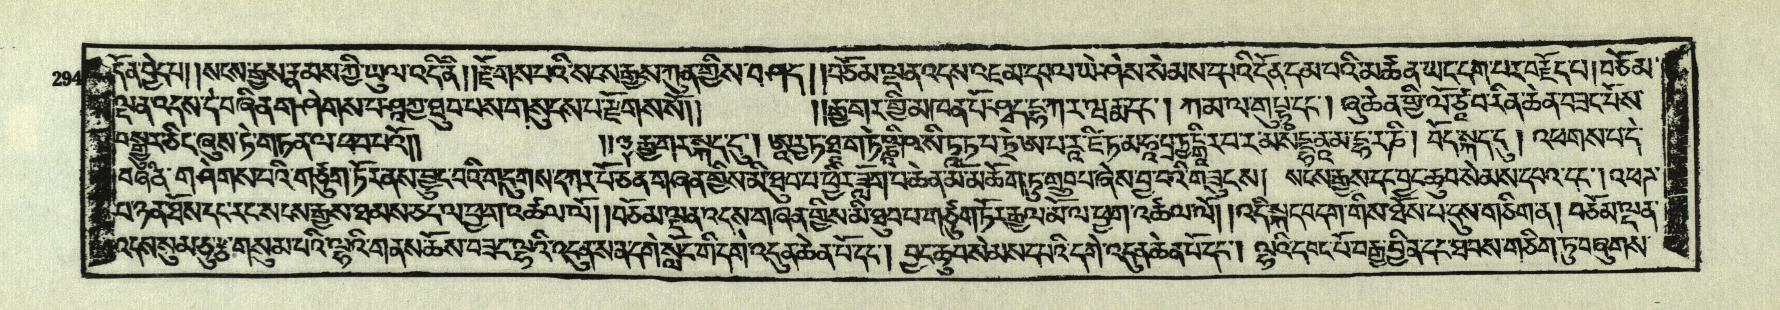དོན་བྱེད་པ། །སངས་རྒྱས་རྣམས་ཀྱི་ཡུལ་འདི་ནི། །རྫོགས་པའི་སངས་རྒྱས་ཀུན་གྱིས་བཤད། །བཅོམ་ལྡན་འདས་འཇམ་དཔལ་ཡེ་ཤེས་སེམས་དཔའི་དོན་དམ་པའི་མཚན་ཡང་དག་པར་བརྗོད་པ། བཅོམ་
ལྡན་འདས་དེ་བཞིན་གཤེགས་པ་ཤཱཀྱ་ཐུབ་པས་གསུངས་པ་རྫོགས་སོ།། །།རྒྱ་གར་གྱི་མཁན་པོ་ཤྭད་དྷ་ཀ་ར་ཝརྨ་དང་། ཀ་མ་ལ་གུཔྟྭ་དང་། ཞུ་ཆེན་གྱི་ལོ་ཙཱ་བ་རིན་ཆེན་བཟང་པོས་
བསྒྱུར་ཅིང་ཞུས་ཏེ་གཏན་ལ་ཕབ་པའོ།། །།འ་རྒྱ་གར་སྐད་དུ། ཨཱརྱ་ཏ་ཐཱ་ག་ཏེ་ཥྞཱི་ཥ་སི་ཏཱ་ཏ་པ་ཏྲེ་ཨ་པ་རཱ་ཛི་ཏ་མཧཱ་པྲ་ཏྱ་དགཱི་ར་པ་ར་མ་སདྡྷ་ནཱ་མ་དྷ་ར་ཎི། བོད་སྐད་དུ། འཕགས་པ་དེ་
བཞིན་གཤེགས་པའི་གཙུག་ཏོར་ནས་བྱུང་བའི་གདུགས་དཀར་པོ་ཅན་གཞན་གྱིས་མི་ཐུབ་པ་ཕྱིར་ཟློག་པ་ཆེན་མོ་མཆོག་ཏུ་གྲུབ་པ་ཞེས་བྱ་བའི་གཟུངས། སངས་རྒྱས་དང་བྱང་ཆུབ་སེམས་དཔའ་དང་། འཕཌ་
པ་ཉན་ཐོས་དང་རང་སངས་རྒྱས་ཐམས་ཅད་ལ་ཕྱག་འཚལ་ལོ། །བཅོམ་ལྡན་འདས་གཞན་གྱིས་མི་ཐུབ་པ་གཙུག་ཏོར་རྒྱལ་མོ་ལ་ཕྱག་འཚལ་ལོ། །འདི་སྐད་བདག་གིས་ཐོས་པ་དུས་གཅིག་ན། བཅོམ་ལྡན་
འདས་སུམ་ཅུ་རྩ་གསུམ་པའི་ལྷའི་གནས་ཆོས་བཟང་ལྷའི་འདུན་ས་ན་དགེ་སློང་གི་དགེ་འདུན་ཆེན་པོ་དང་། བྱང་ཆུབ་སེམས་དཔའི་དགེ་འདུན་ཆེན་པོ་དང་། ལྷའི་དབང་པོ་བརྒྱ་བྱིན་དང་ཐབས་གཅིག་ཏུ་བཞུགས་